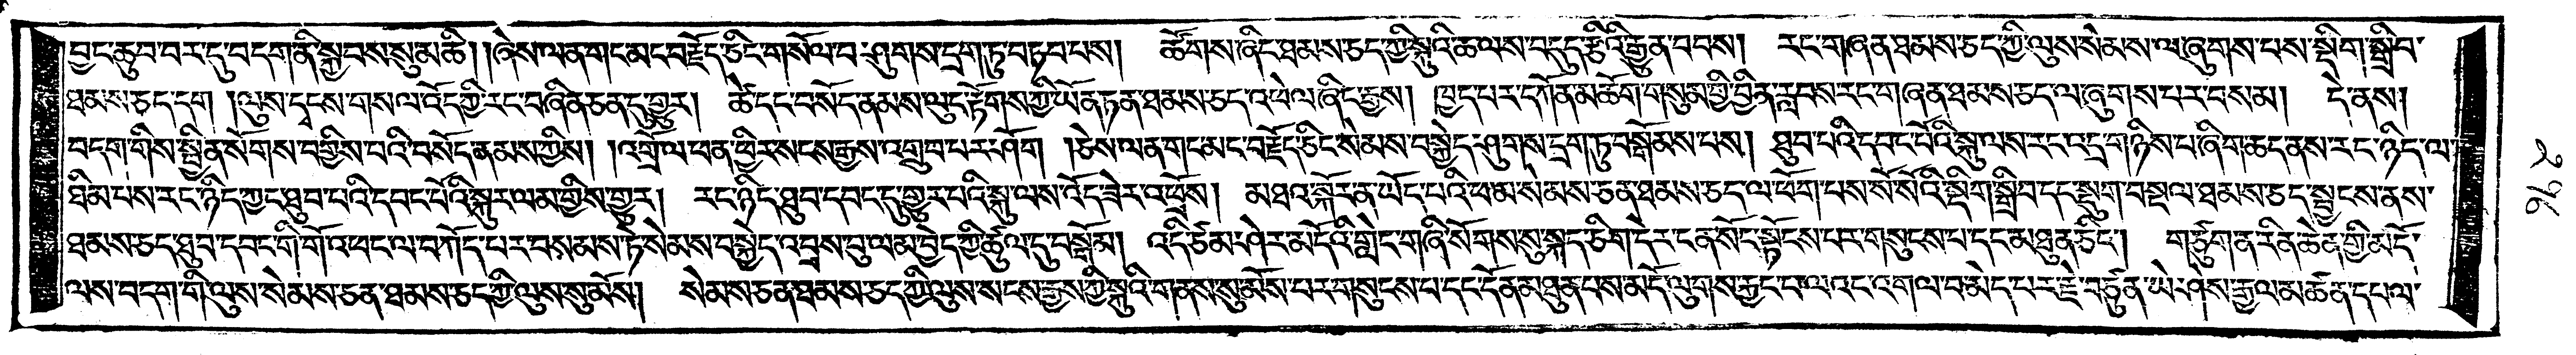བྱང་ཆུབ་བར་དུ་བདག་ནི་སྐྱབས་སུ་མཆི། །ཞེས་ལན་གང་མང་བརྗོད་ཅིང་གསོལ་བ་ཤུགས་དྲག་ཏུ་བཏབ་པས། ཚོགས་ཞིང་ཐམས་ཅད་ཀྱི་སྐུའི་ཆ་ལས་བདུད་རྩིའི་རྒྱུན་བབས། རང་གཞན་ཐམས་ཅད་ཀྱི་ལུས་སེམས་ལ་ཞུགས་པས་སྡིག་སྒྲིབ་
ཐམས་ཅད་དག །ལུས་དྭངས་གསལ་འོད་ཀྱི་རང་བཞིན་ཅན་དུ་གྱུར། ཚེ་དང་བསོད་ནམས་ལུང་རྟོགས་ཀྱི་ཡོན་ཏན་ཐམས་ཅད་འཕེལ་ཞིང་རྒྱས། ཁྱད་པར་དཀོན་མཆོག་གསུམ་བྱི་བྱིན་རླབས་རང་གཞན་ཐམས་ཅད་ལ་ཞུགས་པར་བསམ། དེ་ནས།
བདག་གིས་སྦྱིན་སོགས་བགྱིས་པའི་བསོད་ནམས་ཀྱིས། །འགྲོ་ལ་ཕན་ཕྱིར་སངས་རྒྱས་འགྲུབ་པར་ཤོག །ཅེས་ལན་གང་མང་བརྗོད་ཅིང་སེམས་བསྐྱེད་ཤུགས་དྲག་ཏུ་བསྒོམས་པས། ཐུབ་པའི་དབང་པོའི་སྐུ་ལས་རང་འདྲ་གཉིས་པ་ཞིག་ཆད་ནས་རང་ཉིད་ལ་
ཐིམ་པས་རང་ཉིད་ཀྱང་ཐུབ་པའི་དབང་པོའི་སྐུར་ལམ་གྱིས་གྱུར། རང་ཉིད་ཐུབ་དབང་དུ་གྱུར་པའི་སྐུ་ལས་འོད་ཟེར་འཕྲོས། མཐའ་སྐོར་ན་ཡོད་པའི་ཕ་མ་སེམས་ཅན་ཐམས་ཅད་ལ་ཕོག་པས་སོ་སོའི་སྡིག་སྒྲིབ་དང་སྡུག་བསྔལ་ཐམས་ཅད་སྦྱངས་ནས་
ཐམས་ཅད་ཐུབ་དབང་གི་གོ་འཕང་ལ་བཀོད་པར་བསམས་ཏེ་སེམས་བསྐྱེད་འབྲས་བུ་ལམ་བྱེད་ཀྱི་ཚུལ་དུ་བསྒོམ། འདི་ཙམ་ཤེར་མདོའི་གླེང་གཞི་སོགས་སུ་སྐད་ཅིག་དེར་ངན་སོང་སྟོངས་པར་གསུངས་པ་དང་མཐུན་ཅིང་། གཙུག་ན་རིན་ཆེན་གྱི་མདོ་
ལས་བདག་གི་ལུས་སེམས་ཅན་ཐམས་ཅད་ཀྱི་ལུས་སུ་མོས། སེམས་ཅན་ཐམས་ཅད་ཀྱི་ལུས་སངས་རྒྱས་ཀྱི་སྐུའི་གནས་སུ་མོས་པར་གསུངས་པ་དང་དོན་མཐུན་པས་མདོ་ལུགས་རྐྱང་པ་ལའང་འགལ་བ་མེད་པར་རྗེ་བཙུན་ཡེ་ཤེས་རྒྱལ་མཚན་དཔལ་